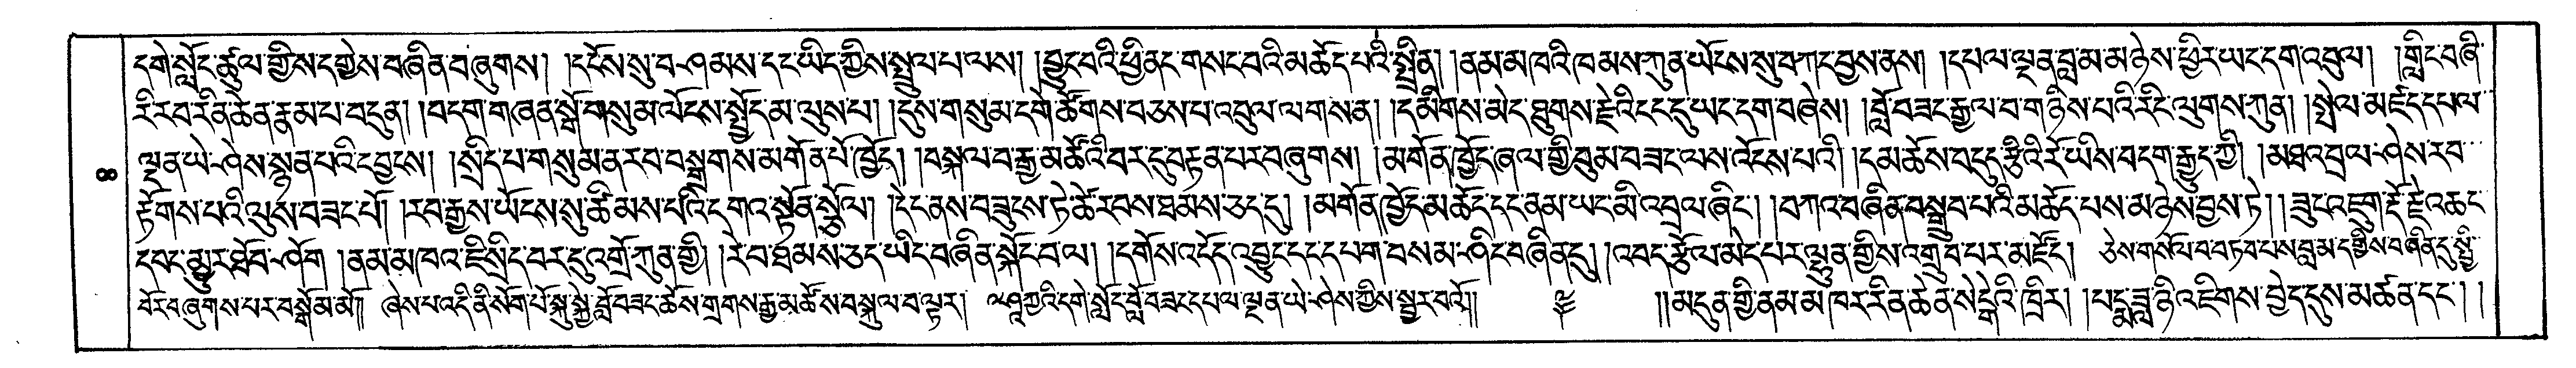དགེ་སློང་ཚུལ་གྱིས་དགྱེས་བཞིན་བཞུགས། །དངོས་སུ་བཤམས་དང་ཡིད་ཀྱིས་སྤྲུལ་པ་ལས། །བྱུང་བའི་ཕྱི་ནང་གསང་བའི་མཆོད་པའི་སྤྲིན། །ནམ་མཁའི་ཁམས་ཀུན་ཡོངས་སུ་བཀང་བྱས་ནས། །དཔལ་ལྡན་བླ་མ་མཉེས་ཕྱིར་ཡང་དག་འབུལ། །གླིང་བཞི་
རི་རབ་རིན་ཆེན་རྣམ་པ་བདུན། །བདག་གཞན་སྒོ་གསུམ་ལོངས་སྤྱོད་མ་ལུས་པ། །དུས་གསུམ་དགེ་ཚོགས་བཅས་པ་འབུལ་ལགས་ན། །དམིགས་མེད་ཐུགས་རྗེའི་ངང་དུ་ཡང་དག་བཞེས། །བློ་བཟང་རྒྱལ་བ་གཉིས་པའི་རིང་ལུགས་ཀུན། །སྤེལ་མཛད་དཔལ་
ལྡན་ཡེ་ཤེས་སྙན་པའི་དབྱངས། །སྲིད་པ་གསུམ་ན་རབ་བསྒྲགས་མགོན་པོ་ཁྱོད། །བསྐལ་པ་རྒྱ་མཚོའི་བར་དུ་བརྟན་པར་བཞུགས། །མགོན་ཁྱོད་ཞལ་གྱི་བུམ་བཟང་ལས་འོངས་པའི། །དམ་ཆོས་བདུད་རྩིའི་རོ་ཡིས་བདག་རྒྱུད་ཀྱི། །མཐའ་བྲལ་ཤེས་རབ་
རྟོགས་པའི་ལུས་བཟང་པོ། །རབ་རྒྱས་ཡོངས་སུ་ཚིམས་པའི་དགའ་སྟོན་སྩོལ། །དེང་ནས་བཟུངས་ཏེ་ཚེ་རབས་ཐམས་ཅད་དུ། །མགོན་ཁྱོད་མཆོད་དང་ནམ་ཡང་མི་འབྲལ་ཞིང་། །བཀའ་བཞིན་བསྒྲུབ་པའི་མཆོད་པས་མཉེས་བྱས་ཏེ། །ཟུང་འཇུག་རྡོ་རྗེ་འཆང་
དབང་མྱུར་ཐོབ་ཤོག །ནམ་མཁའ་ཇི་སྲིད་བར་དུ་འགྲོ་ཀུན་གྱི། །རེ་བ་ཐམས་ཅད་ཡིད་བཞིན་སྐོང་བ་ལ། །དགོས་འདོད་འབྱུང་དང་དཔག་བསམ་ཤིང་བཞིན་དུ། །འབད་རྩོལ་མེད་པར་ལྷུན་གྱིས་འགྲུབ་པར་མཛོད། ཅེས་གསོལ་བ་བཏབ་པས་བླ་མ་དགྱེས་བཞིན་དུ་སྤྱི་
བོར་བཞུགས་པར་བསྒོམ་མོ། ཞེས་པ་འདི་ནི་སོག་པོ་སྐུ་སྐྱེ་བློ་བཟང་ཆོས་གྲགས་རྒྱ་མཚོས་བསྐུལ་བ་ལྟར། ༧ཤཱཀྱའི་དགེ་སློང་བློ་བཟང་དཔལ་ལྡན་ཡེ་ཤེས་ཀྱིས་སྦྱར་བའོ།། ༈ །།མདུན་གྱི་ནམ་མཁར་རིན་ཆེན་སེངྒེའི་ཁྲིར། །པདམ་ཟླ་ཉི་འཇིགས་བྱེད་དུས་མཚན་དང་། །